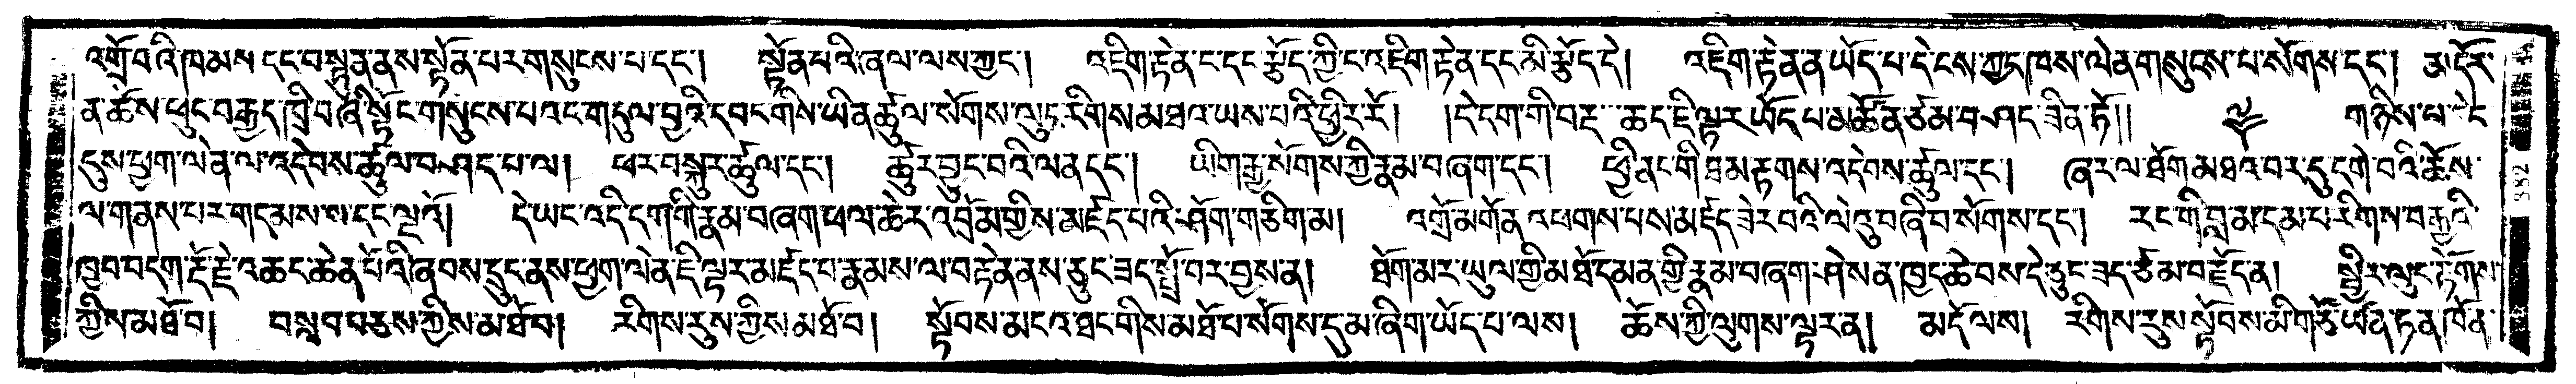འགྲོ་བའི་ཁམས་དང་བསྟུན་ནས་སྟོན་པར་གསུངས་པ་དང་། སྟོན་པའི་ཞལ་ལས་ཀྱང་། འཇིག་རྟེན་ང་དང་རྩོད་ཀྱི་ང་འཇིག་རྟེན་དང་མི་རྩོད་དེ། འཇིག་རྟེན་ཡོད་པ་དེ་ངས་ཀྱང་ཁས་ལེན་གསུངས་པ་སོགས་དང་། མདོར་
ན་ཆོས་ཕུང་བརྒྱད་ཁྲི་བཞི་སྟོང་གསུངས་པའང་གདུལ་བྱའི་དབང་གིས་ཡིན་ཚུལ་སོགས་ལུང་རིགས་མཐའ་ཡས་པའི་ཕྱིར་རོ། །དེ་དག་གི་བརྡ་ཆད་ཇི་ལྟར་ཡོད་པ་མཚོན་ཙམ་བཤད་ཟིན་ཏོ།། ༈ གཉིས་པ་དེང་
དུས་ཕྱག་ལེན་ལ་འདེབས་ཚུལ་བཤད་པ་ལ། ཕར་བསྐུར་ཚུལ་དང་། ཚུར་བྱུང་བའི་ལན་དང་། ཡིག་རྒྱ་སོགས་ཀྱི་རྣམ་བཞག་དང་། ཕྱི་ནང་གི་ཐམ་རྟགས་འདེབས་ཚུལ་དང་། ཞར་ལ་ཐོག་མཐའ་བར་དུ་དགེ་བའི་ཆོས་
ལ་གནས་པར་གདམས་ས་དང་ལྔའོ། དེ་ཡང་འདི་དག་གི་རྣམ་བཞག་ཕལ་ཆེར་འབྲོམ་གྱིས་མཛད་པའི་ཤོག་གཅིག་མ། འགྲོ་མགོན་འཕགས་པས་མཛད་ཟེར་བའི་ལེའུ་བཞི་པ་སོགས་དང་། རང་གི་བླ་མ་དམ་པ་རིགས་བརྒྱའི་
ཁྱབ་བདག་རྡོ་རྗེ་འཆང་ཆེན་པོའི་ཞབས་དྲུང་ནས་ཕྱག་ལེན་ཇི་ལྟར་མཛད་པ་རྣམས་ལ་བརྟེན་ནས་ཅུང་ཟད་སྤྲོ་བར་བྱས་ན། ཐོག་མར་ཡུལ་གྱི་མཐོ་དམན་གྱི་རྣམ་བཞག་ཤེས་ན་ཁྱད་ཆེ་བས་དེ་ཅུང་ཟད་ཙམ་བརྗོད་ན། སྦྱིར་ལུང་རྟོགས་
ཀྱིས་མཐོ་བ། བསླབ་བཅས་ཀྱིས་མཐོ་བ། རིགས་རུས་ཀྱིས་མཐོ་བ། སྟོབས་མངའ་ཐང་གིས་མཐོ་བ་སོགས་དུམ་ཞིག་ཡོད་པ་ལས། ཆོས་ཀྱི་ལུགས་ལྟར་ན། མདོ་ལས། རིགས་རུས་སྟོབས་མི་གཙོ་ཡོན་ཏན་ཁོ་ན་